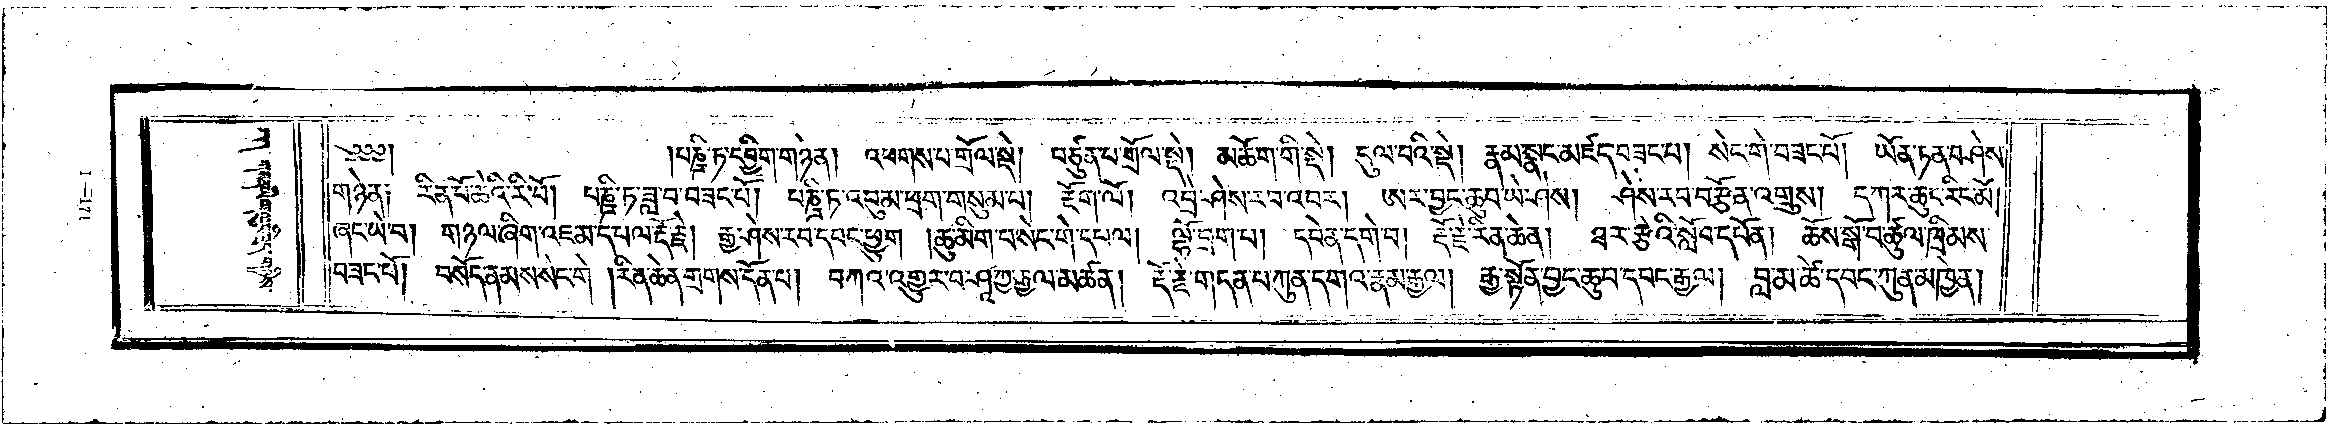༄༅། །པཎྜི་ཏ་དབྱིག་གཉེན། འཕགས་པ་གྲོལ་སྡེ། བཙུན་པ་གྲོལ་སྡེ། མཆོག་གི་སྡེ། དུལ་བའི་སྡེ། རྣམ་སྣང་མཛད་བཟང་པ། སེང་གེ་བཟང་པོ། ཡོན་ཏན་བཤེས་
གཉེན༑ རིན་པོ་ཆེའི་རི་བོ། པཎྜི་ཏ་ཟླ་བ་བཟང་པོ། པཎྜི་ཏ་འབུམ་ཕྲག་གསུམ་པ། རྔོག་ལོ། འབྲེ་ཤེས་རབ་འབར། ཨར་བྱང་ཆུབ་ཡེ་ཤེས། ཤེས་རབ་བརྩོན་འགྲུས། དཀར་ཆུང་རིང་མོ།
ཞང་ཡེ་བ། གཉལ་ཞིག་འཇམ་དཔལ་རྡོ་རྗེ། རྒྱ་ཤེས་རབ་དབང་ཕྱུག །ཆུ་མིག་པ་སེང་གེ་དཔལ། ལྷོ་བྲག་པ། དབེན་དགེ་བ། རྡོ་རྗེ་རིན་ཆེན། ཐར་རྩེའི་སློབ་དཔོན། ཆོས་སྒོ་བ་ཚུལ་ཁྲིམས་
བཟང་པོ། བསོད་ནམས་སེང་གེ །རིན་ཆེན་གྲགས་དོན་པ། བཀའ་འགྱུར་བ་ཤཱཀྱ་རྒྱལ་མཚན། རྡོ་རྗེ་གདན་པ་ཀུན་དགའ་རྣམ་རྒྱལ། རྒྱ་སྟོན་བྱང་ཆུབ་དབང་རྒྱལ། བླ་མ་ཚེ་དབང་ཀུན་མཁྱེན།